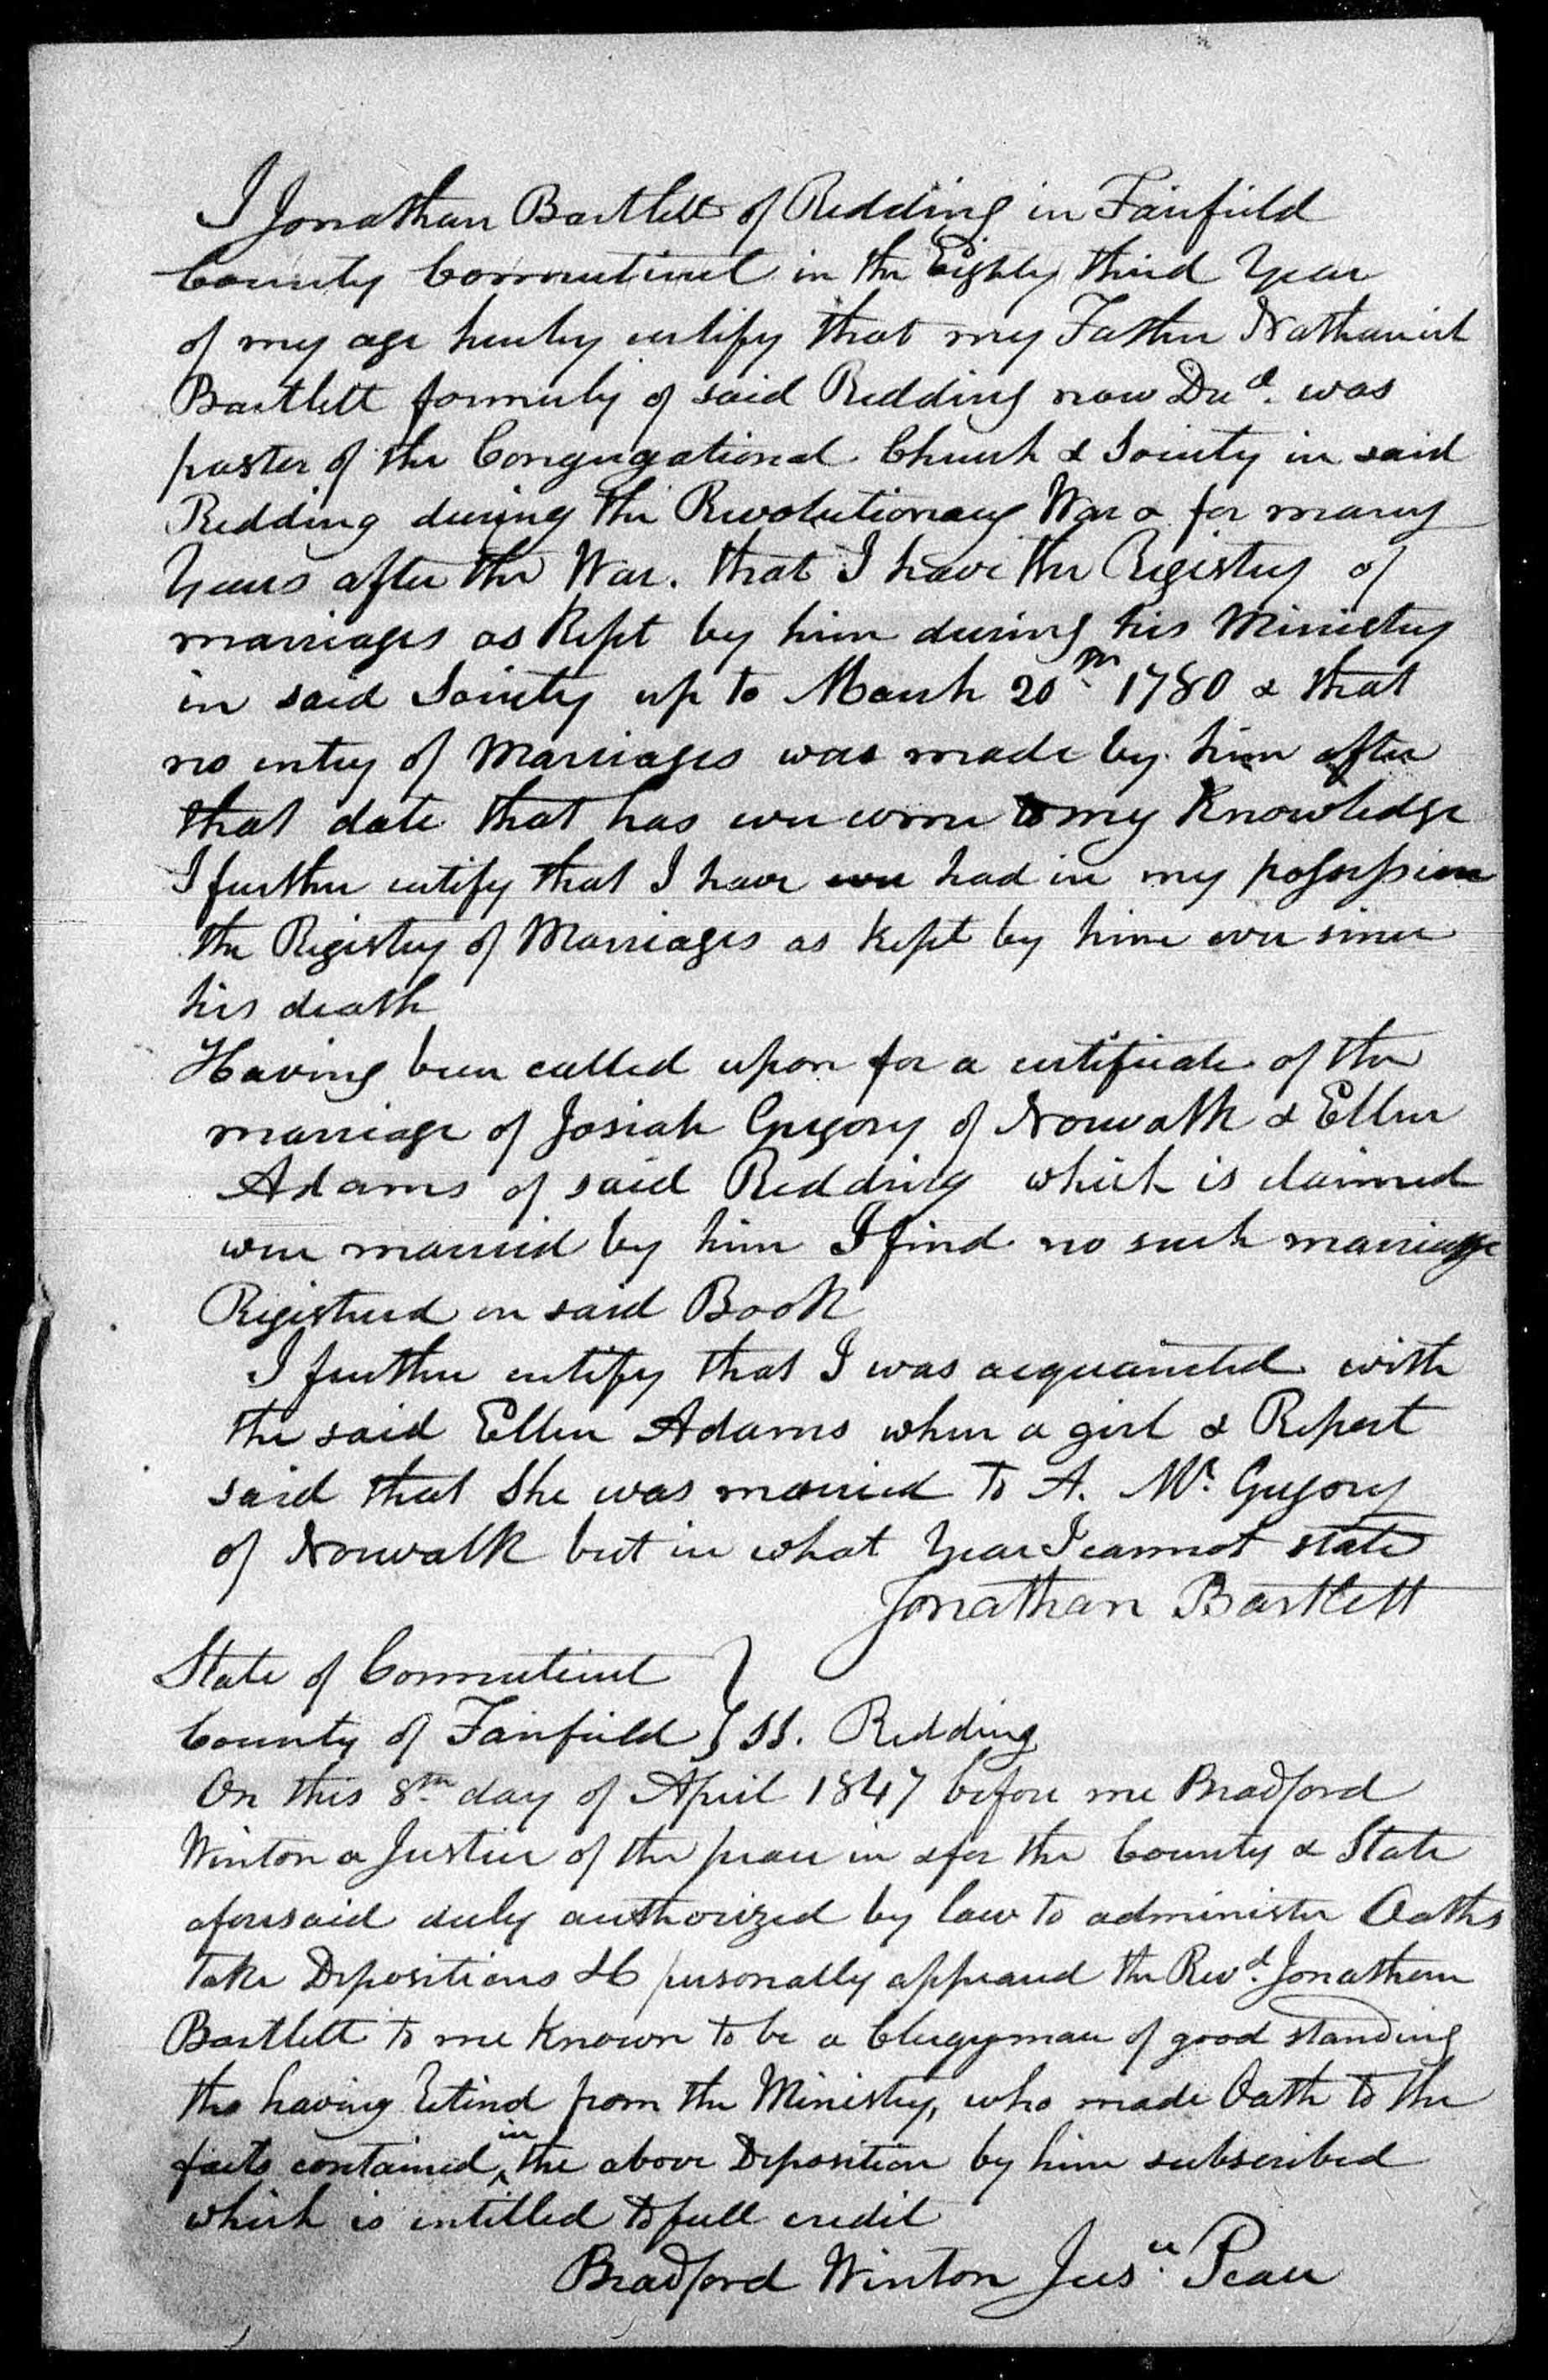I Jonathan Bartlett of Redding in Fairfield County Connecticut in the Eighty third year of my age hereby certify that my Father Nathaniel Bartlett formerly of said Redding now Decd. was pastor of the Congregational Church & Society in said Redding during the Revolutionary War & for many years after the War.  That I have the Registry of marriages as Kept by him during his Ministry in said Society up to March 20th 1780 & that no entry of marriages was made by him after that date that has [illegible] to my knowledge   I further certify that I have had in my possession the Registry of Marriages as kept by him ever since his death
Having been called upon for a certificate of the marriage of Josiah Gregory of Norwalk & Ellen Adams of said Redding which is claimed were married by  him   I find no such marriage Registered in said Book.

I further certify that I was acquainted with the said Ellen Adams when a girl & Report said that she was married to A. McGregory of Norwalk but in what year I cannot state
    [Signed] Jonathan Bartlett

State of Connecticut
County of Fairfield} SS Redding
On this 8th day of April 1847 before me  Bradford Winton a Justice of the peace in & for the County & State aforesaid duly authorized by law to administer Oaths take Depositions & personally appeared the Revd Jonathan Bartlett to me known to be a Clergyman of good standing who having Retired from the ministry, who made Oath to the facts contained in the above Deposition by him subscribed which is entitled to full credit
   [Signed]  Bradford Winton Jus" Peace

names: A Mc Gregory, Bradford Winton, Bradford Winton, Nathaniel Bartlett, Ellen Adams, Jonathan Bartlett, Ellen Adams, Josiah Gregory, Jonathan Bartlett, Jonathan Bartlett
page: 13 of 49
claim: widow's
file: W 24308, Josiah Gregory, Conn.